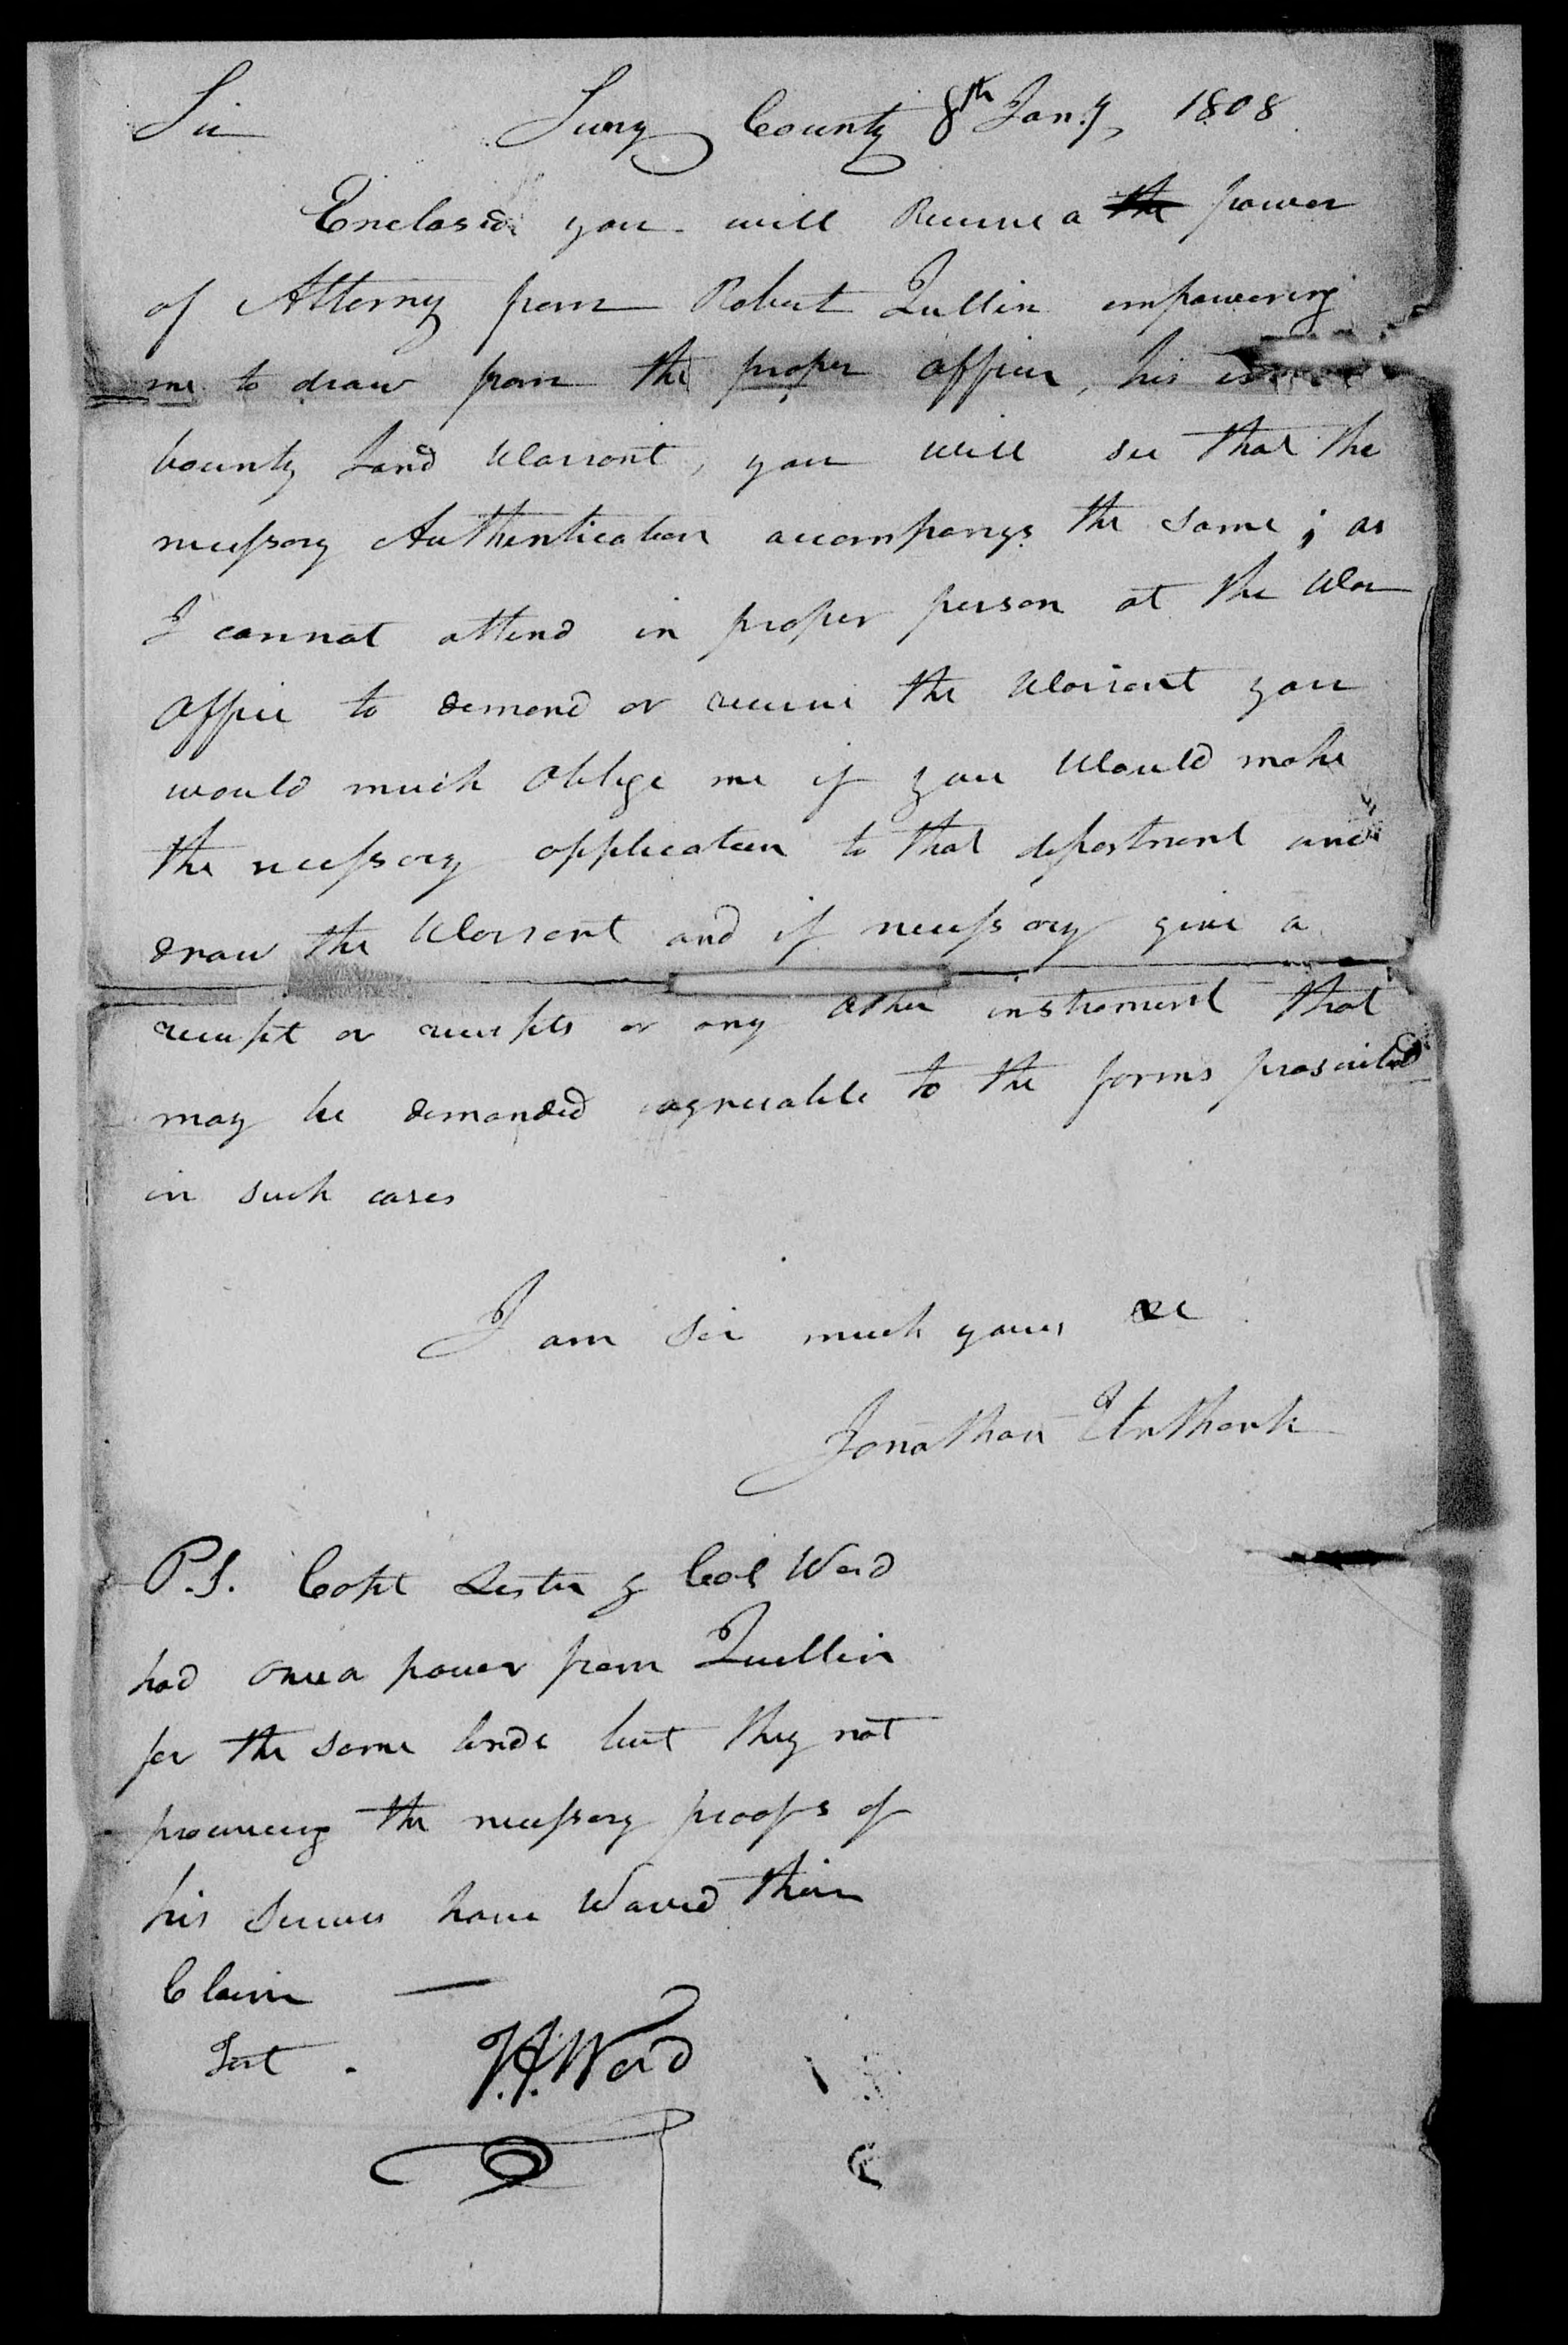Surry County 8th Jany 1808
Sir,
Enclosed you will receive a Power of Attorney from Robert Quillin empowering me to draw from the proper officer, his [illegible] bounty Land Warrant, you will see that the necessary Authentication accompanys the same; as I cannot attend in proper person at the War Office to demand or receive the warrant you would much oblige me if you would make the necessary application to that department and draw the warrant and if necessary give a receipt or receipts or any other instrument that may be demanded agreeable to the forms prescribed in such cases

I am Sir much yours
Jonathan Unthank

P.S. Capt Lester of Col Ward had once a power of from Quillin for the same lands but they not
procuring the necessary proofs of his service have waved their claim -
Test.
H. Ward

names: [BLANK] Lester; Jonathan Unthank; H Ward; Robert Quillin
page: 9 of 12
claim: bounty land warrant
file: B. L. Wt. 392-100, for Robert Quillin, Virginia